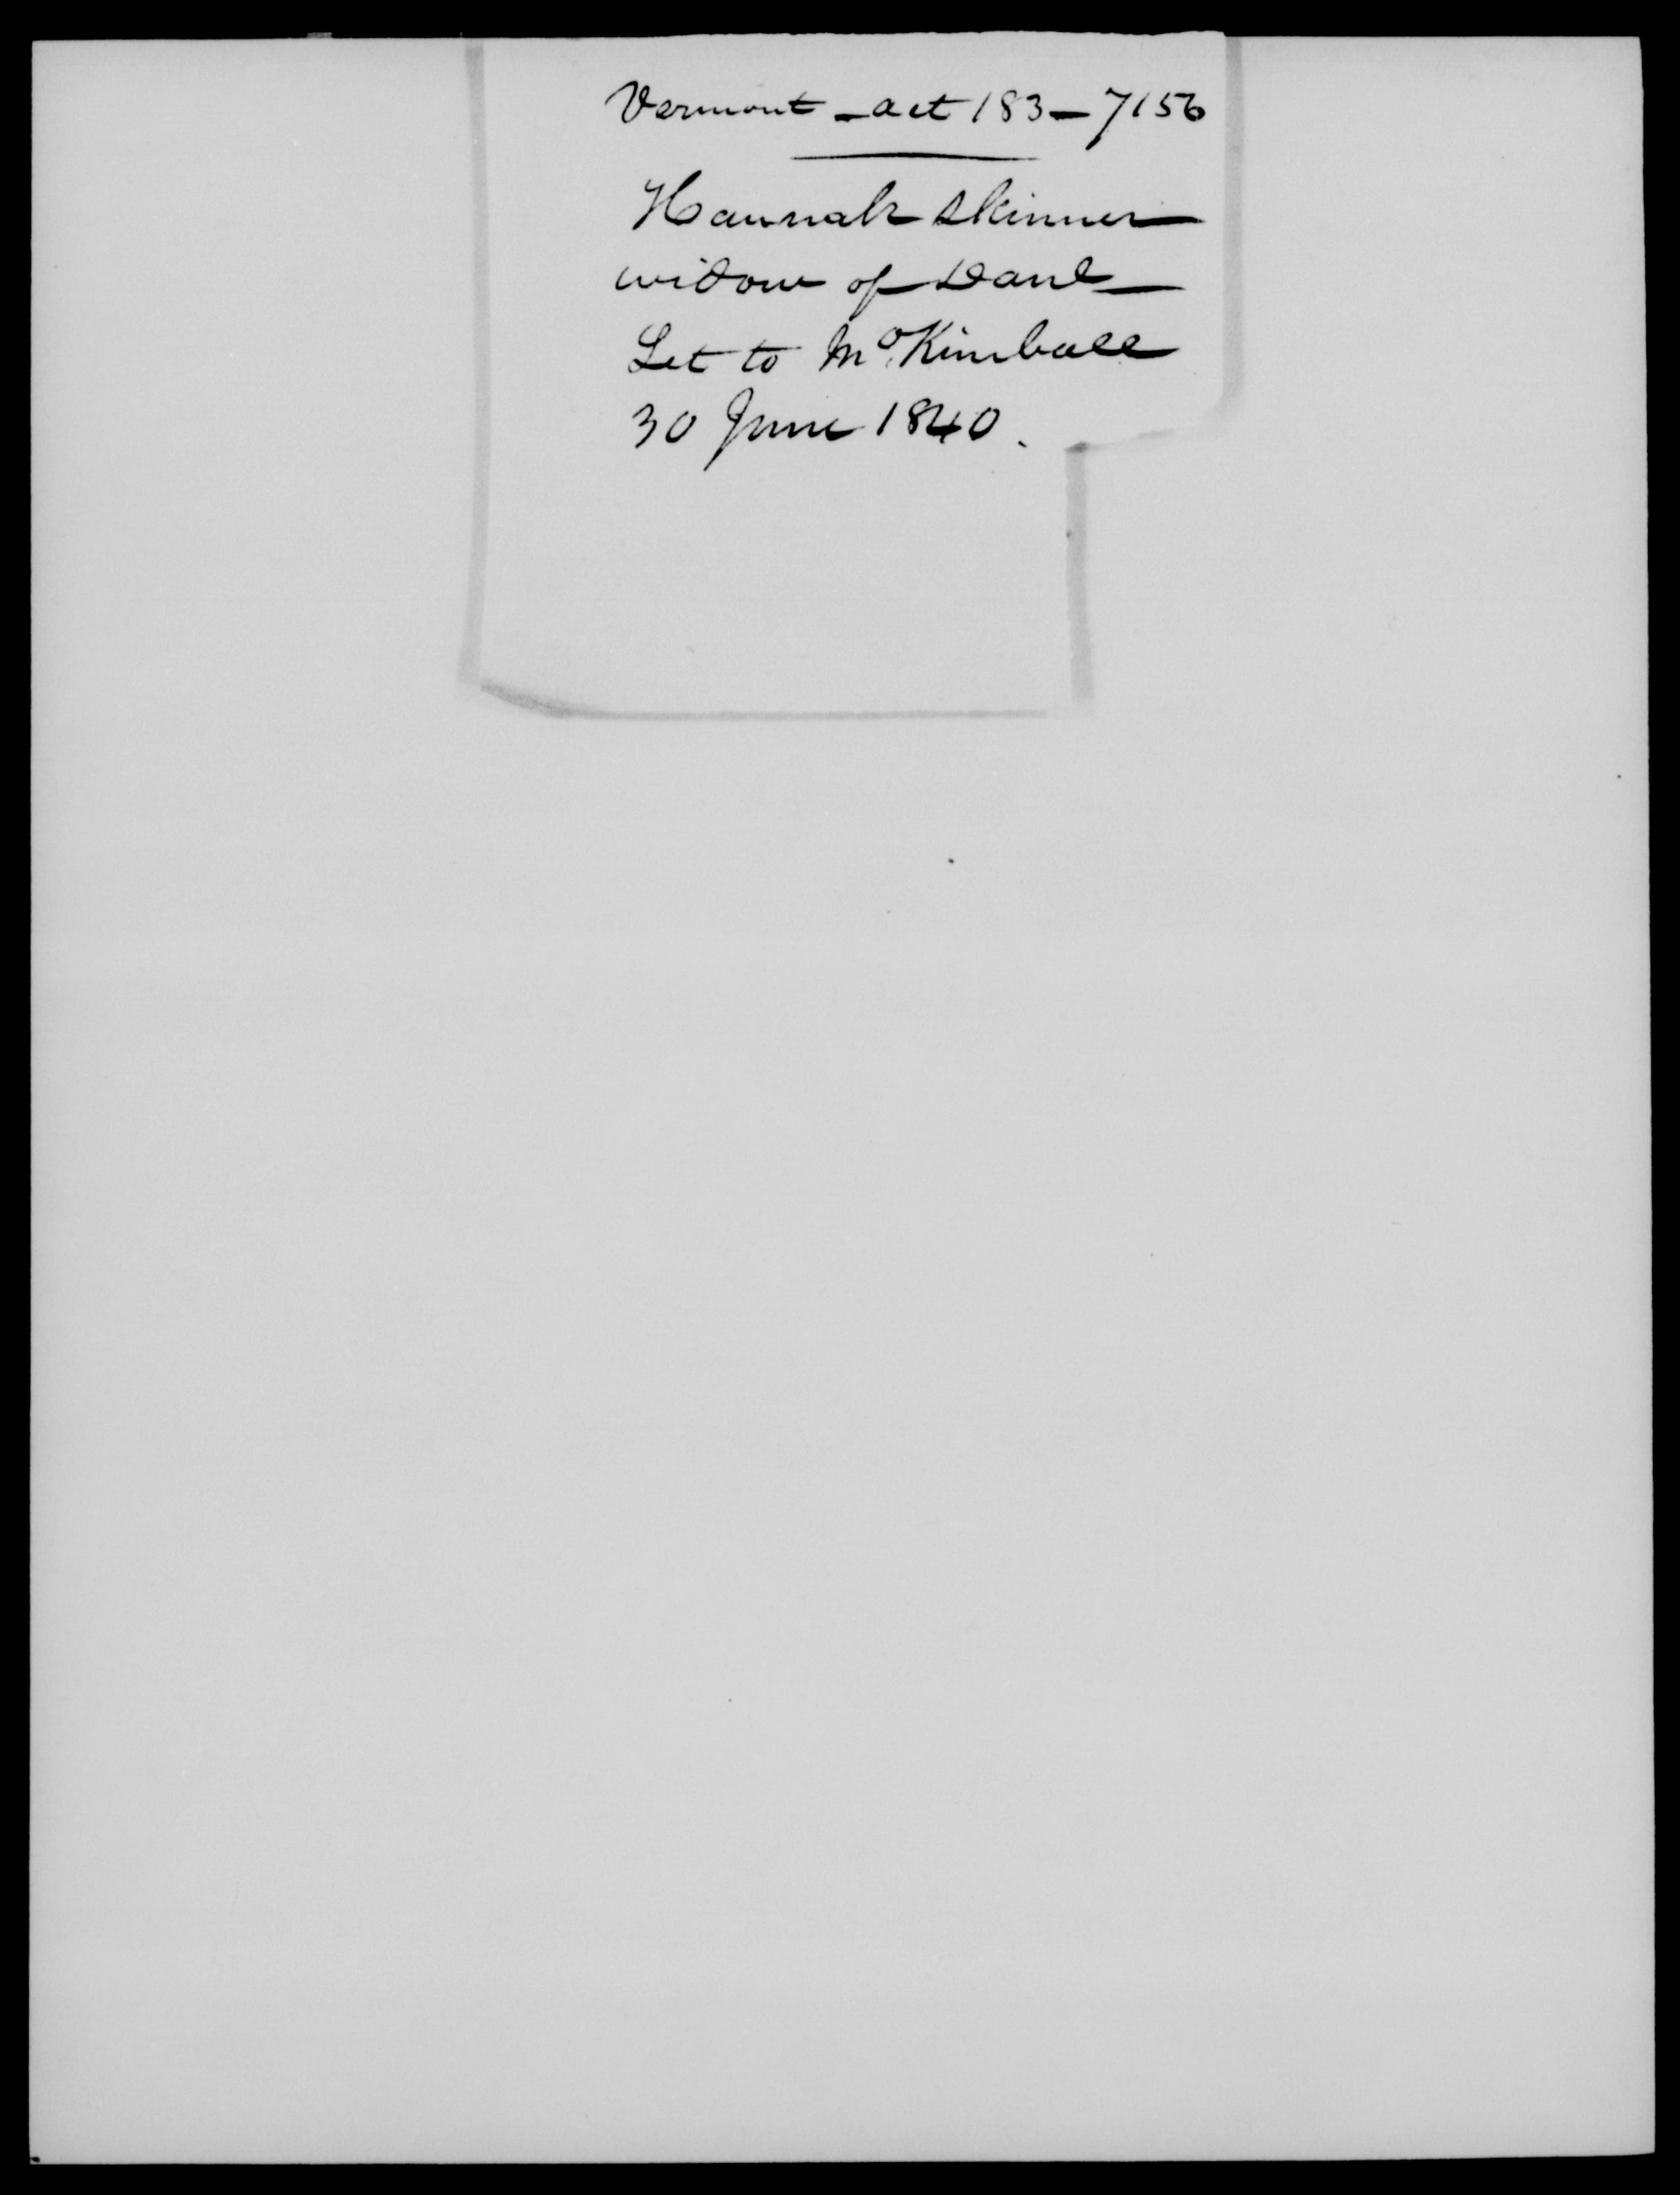Vermont - at 183-7156
Hannah Skinner
widow of Danl
Let to Jno. Kimball
30 June 1840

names: Danl Skinner; Hannah Skinner; Jno Kimball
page: 15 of 46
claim: widow's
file: W. 24976, for Daniel Skinner, New Hampshire